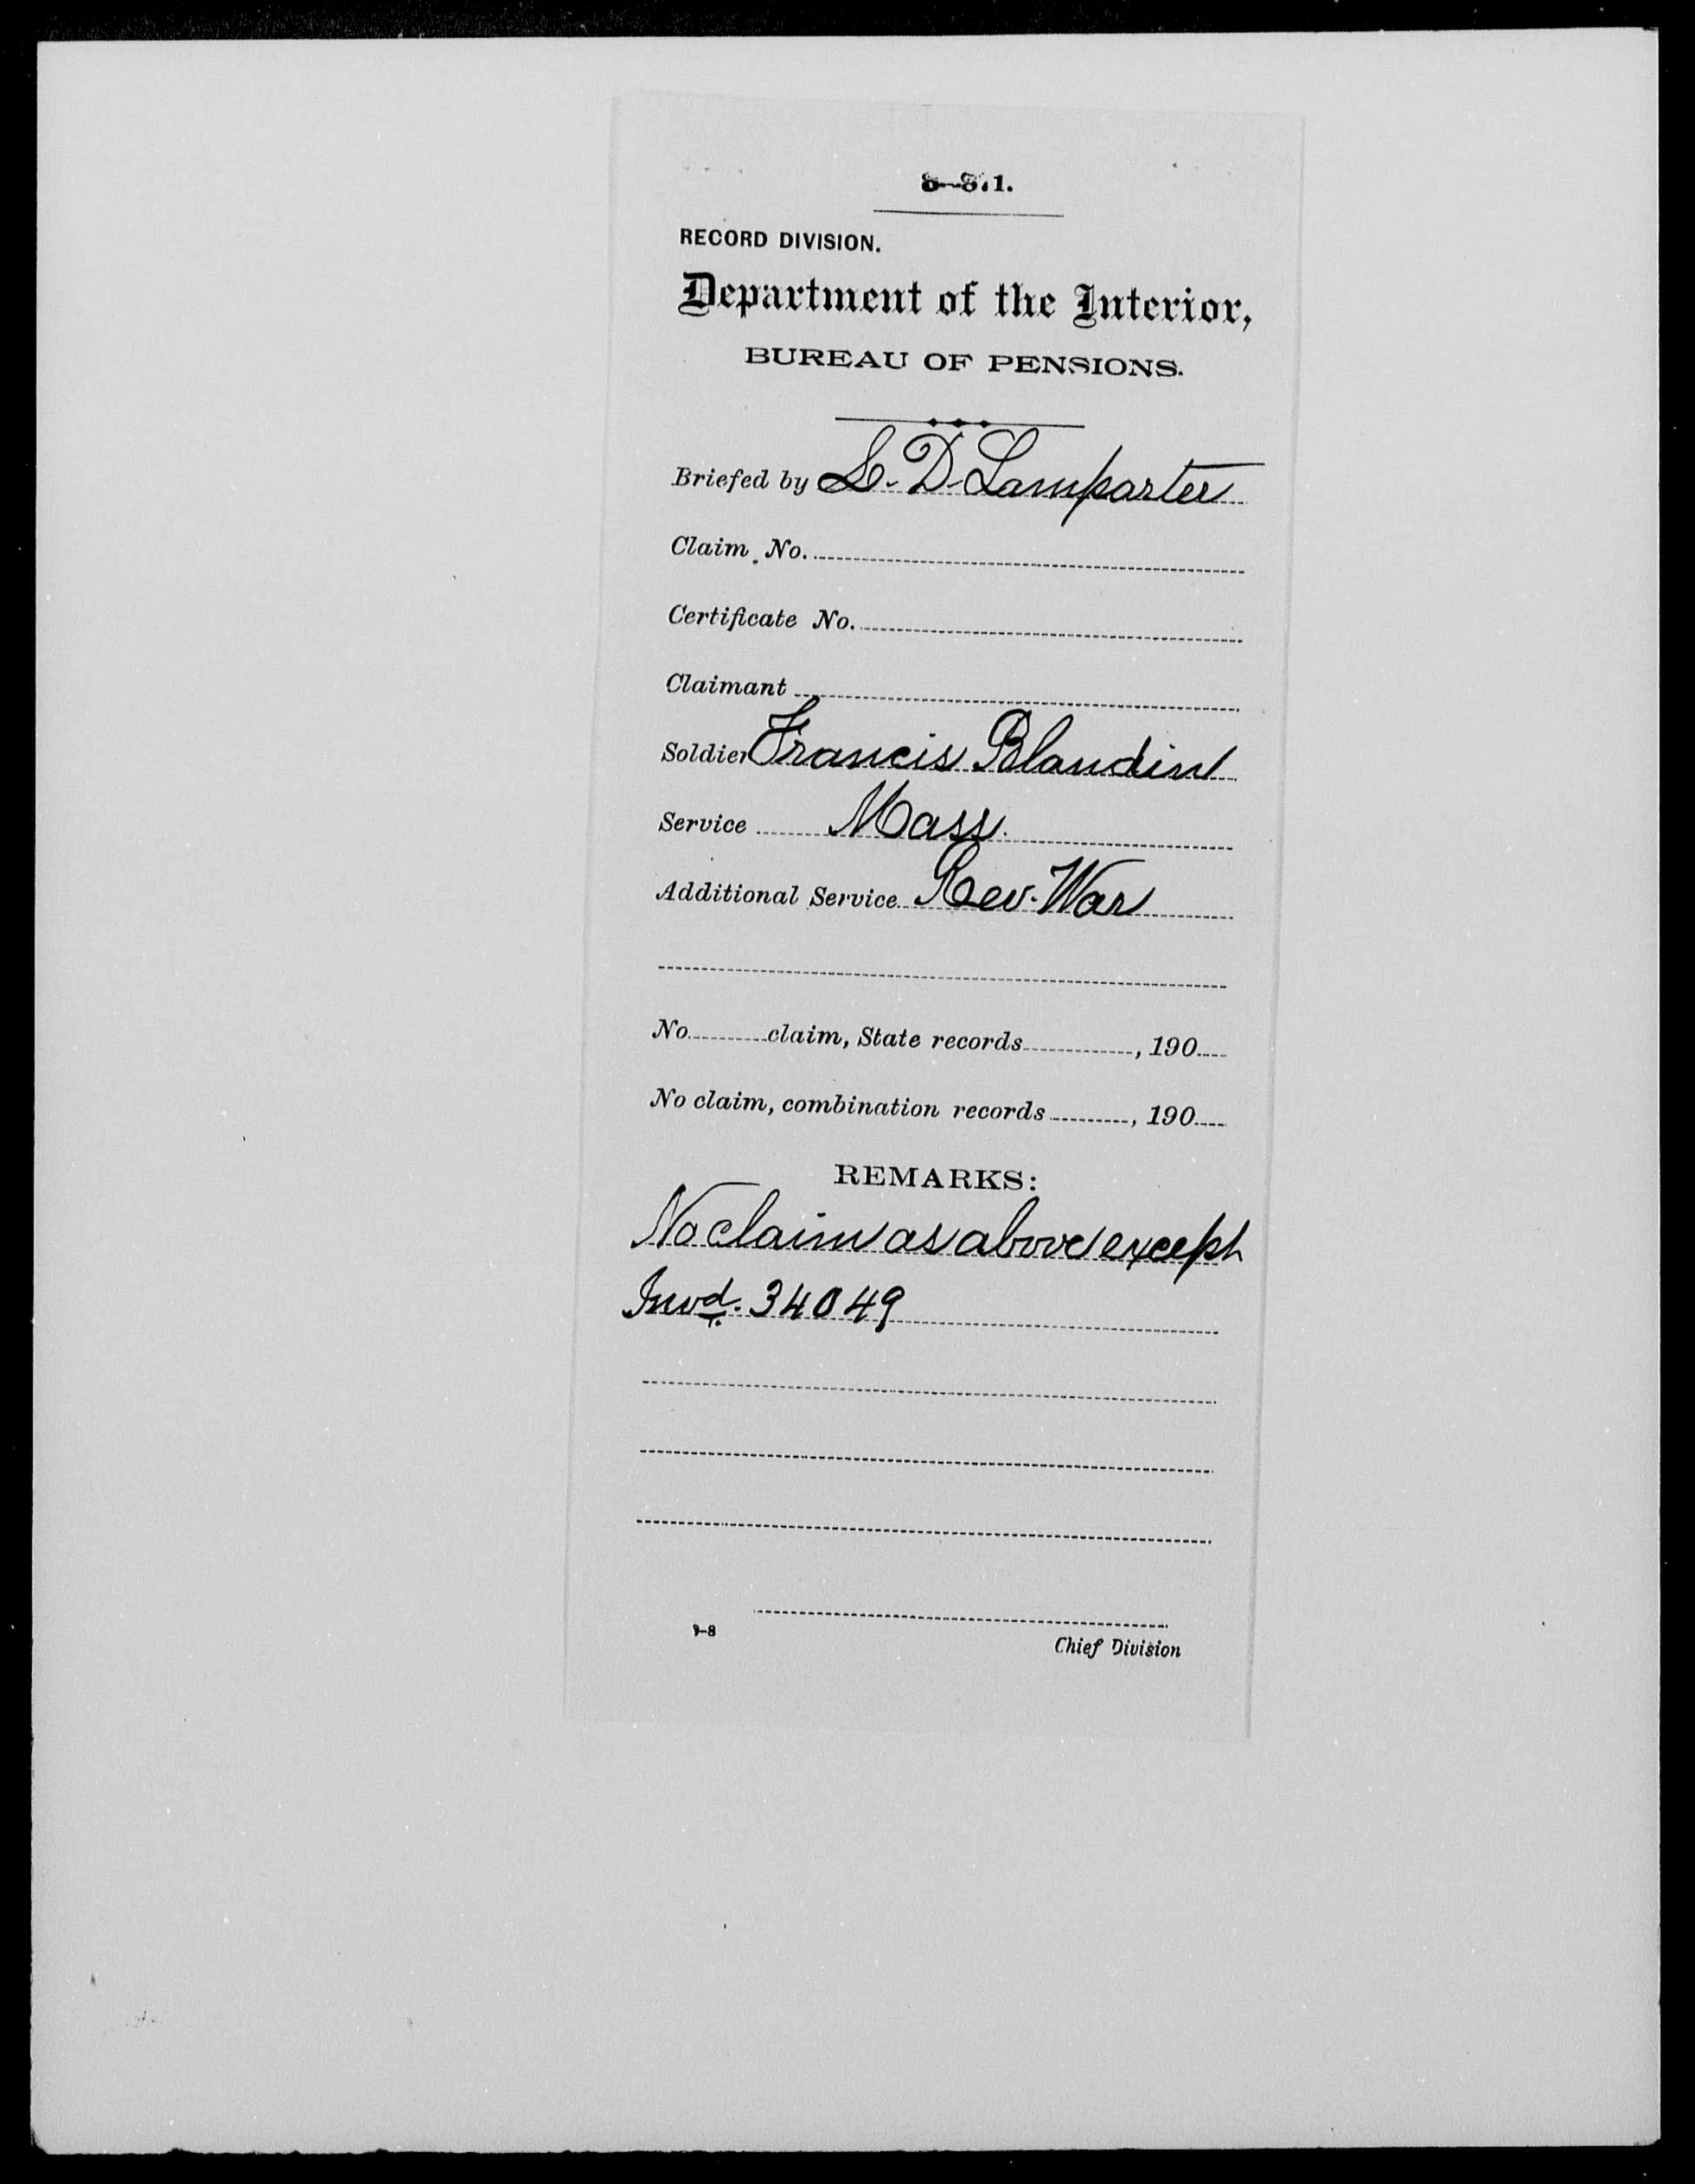RECORD DIVISION.

Department of the Interior,
BUREAU OF PENSIONS.

Briefed by: S D Lamporter

Soldier:  Francis Blandin

Service:  Mass
Additional Service:  Rev War

REMARKS:  No claim as above except Invd 34049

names: L D Lamparter, Francis Blandin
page: 12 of 14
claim: survivor's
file: S. 34,049, Francis Blandin, Mass.